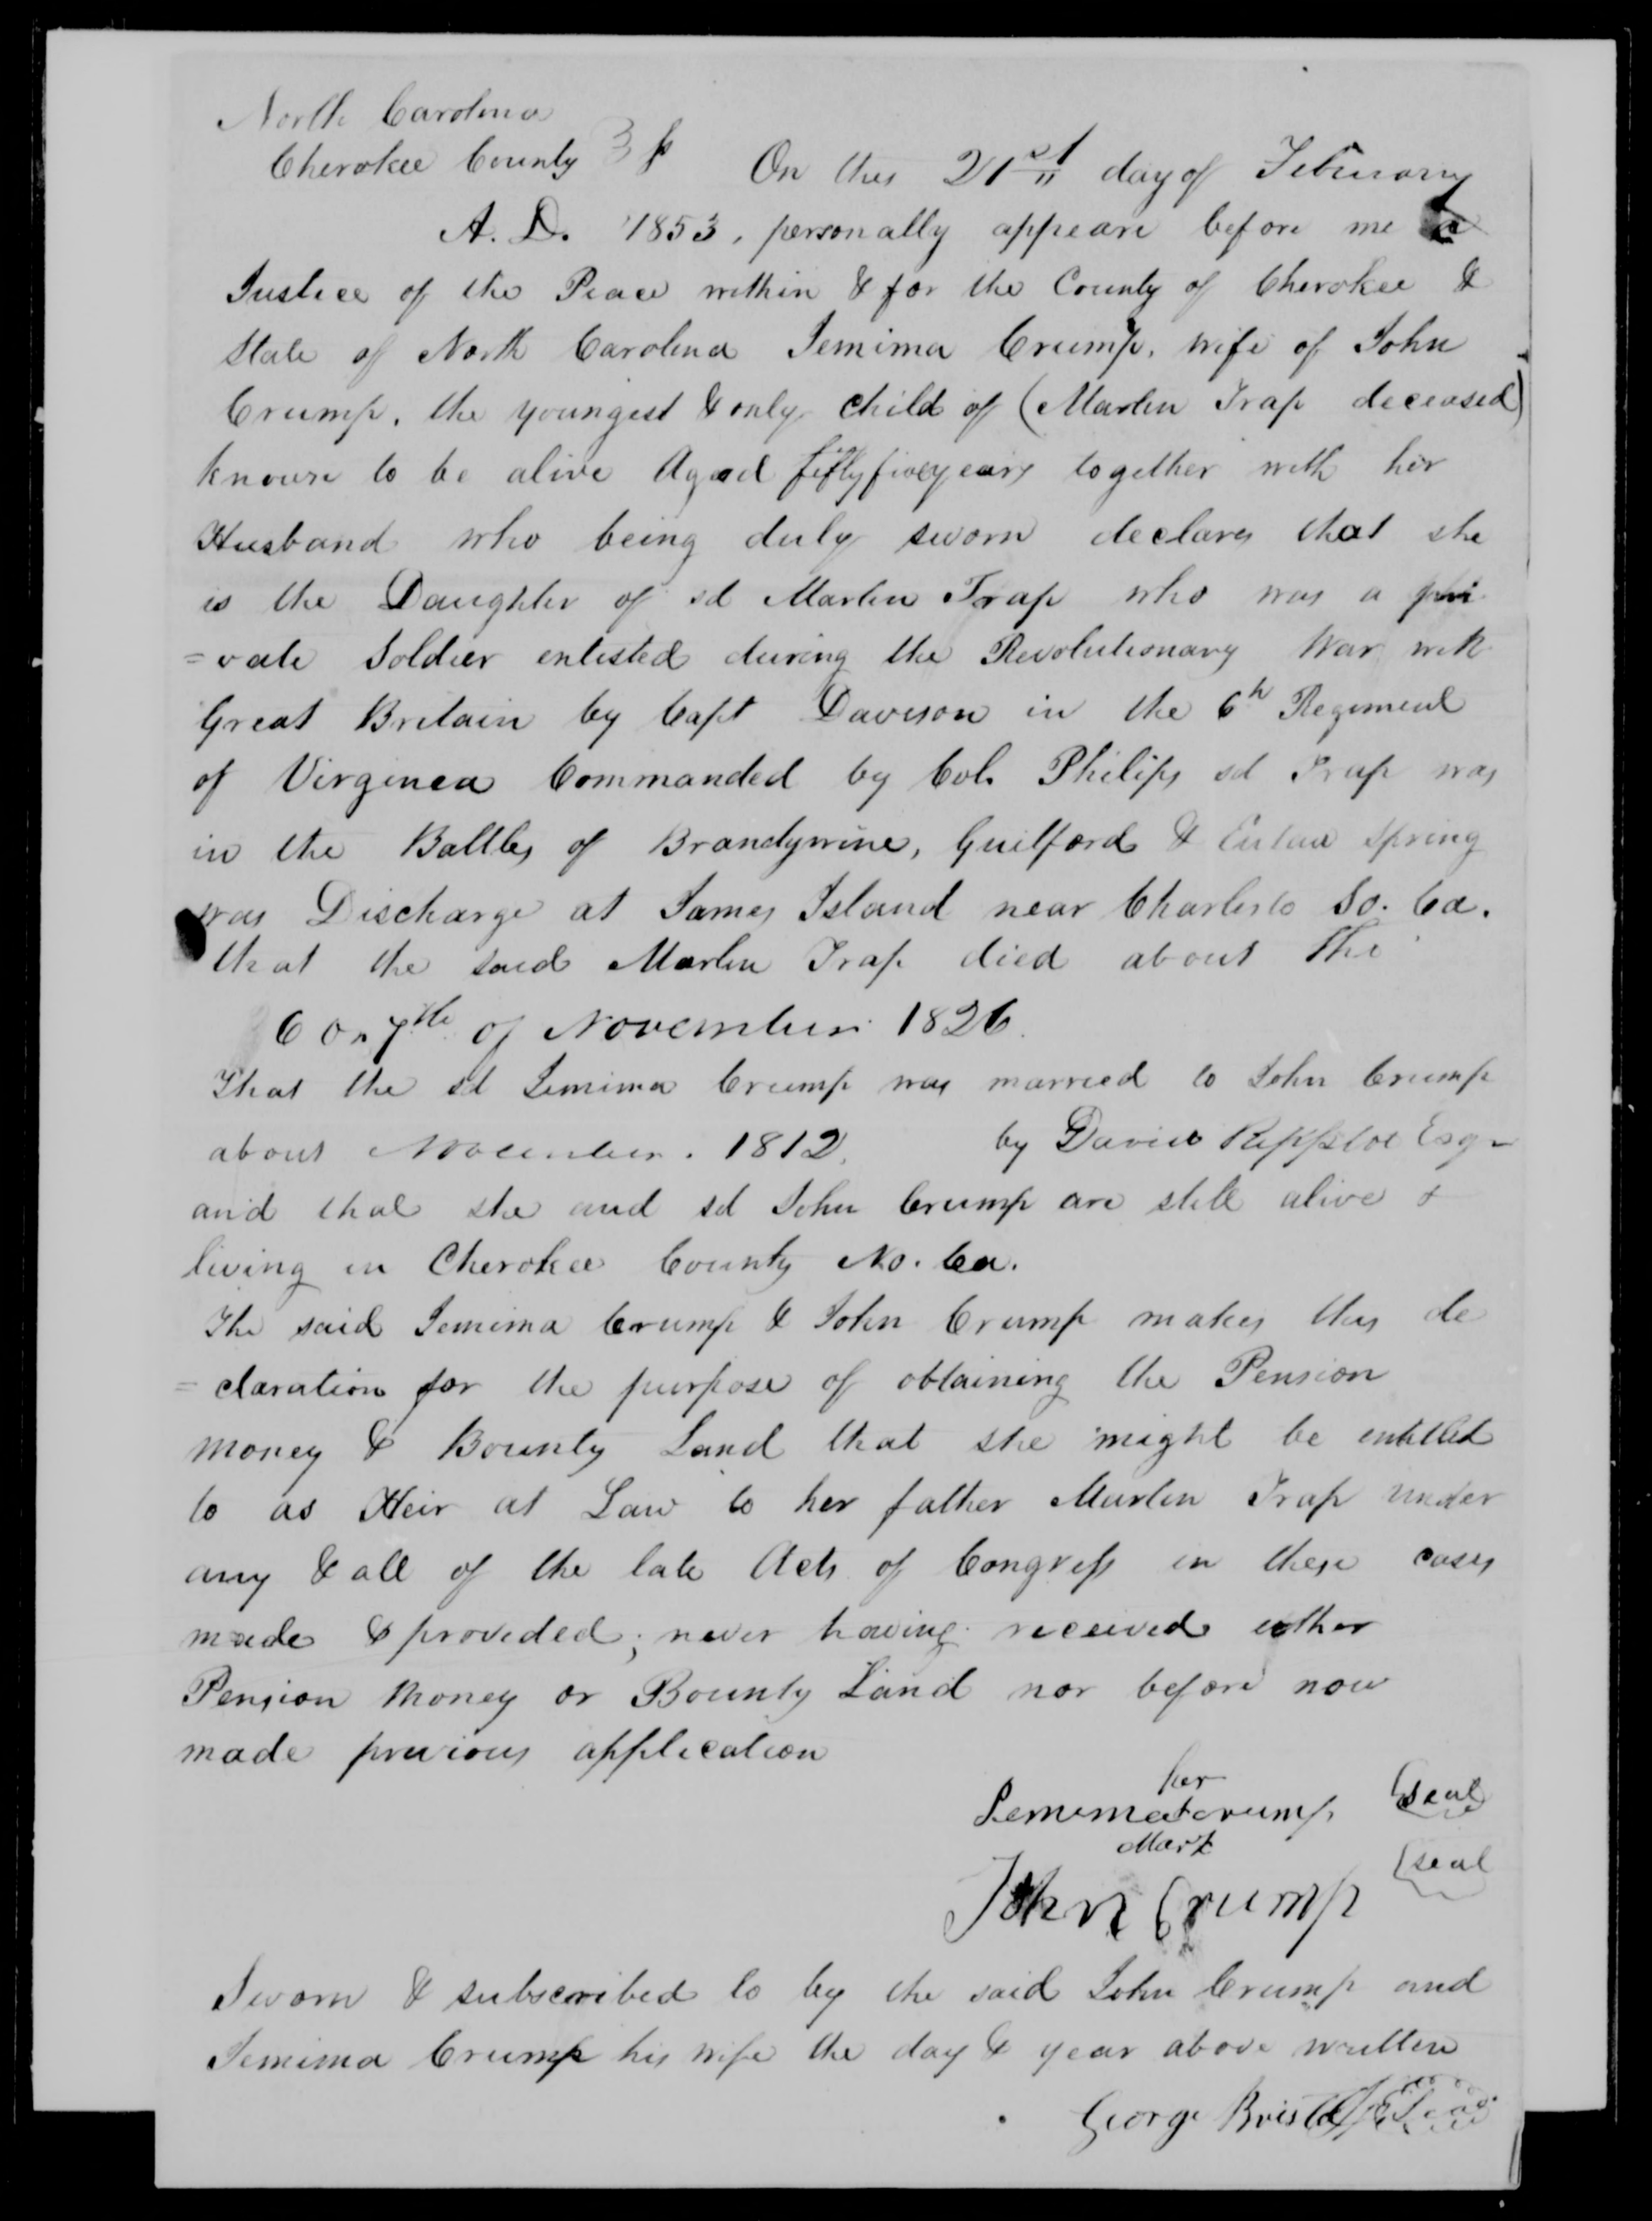[handwritten]

North Carolina}
Cherokee County} SS On this 21st day of February 
A.D. 1853, personally appeared before me a 
Justice of the Peace within & for the County of Cherokee & State of North Carolina Jemima Crump, wife of John 
Crump, the youngest & only child of (Martin Trap deceased) known to be alive Aged fifty five years together with her Husband who being duly sworn declares that she 
is the Daughter of sd Martin Trap who was a private 
Soldier enlisted during the Revolutionary War with 
Great Britain by Capt Davison in the 6th Regiment 
of Virginea Commanded by Col. Philips sd Trap was 
in the Battles of Brandywine, Guilford & Eutaw Spring 
was Discharge at James Island near Charlesto So. Ca. 
that the said Martin Trap died about the 
6 or 7th of November 1826
That the sd Jemima Crump was married to John Crump about November 1812. by David Repploe Esq 
and that she and sd John Crump are still alive & 
living in Cherokee County No. Ca.
The said Jemima Crump & John Crump makes this declaration 
for the purpose of obtaining the Pension 
Money & Bounty Land that she might be entitled 
to as Heir at Law to her father Martin Trap under 
any & all of the late Acts of Congress in these cases 
made & provided; never having received either 
Pension Money or Bounty Land nor before now 
made previous application
Jemima Crump {seal}
x her mark
John Crump {seal}
Sworn & subscribed to by the said John Crump and Jemima Crump his wife the day & year above written
George Bristol JP {Seal}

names: John Crump, Philips, Martin Trap, John Crump, John Crump, Martin Trap, Jemima Crump, George Bristol, Jemima Crump, David Repploe, John Crump, Martin Trap, Davison, Jemima Crump, Jemima Crump, Martin Trap, John Crump, Trap, John Crump, Jemima Crump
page: 6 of 8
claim: rejected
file: R. 10677, Martin Trap, Va.